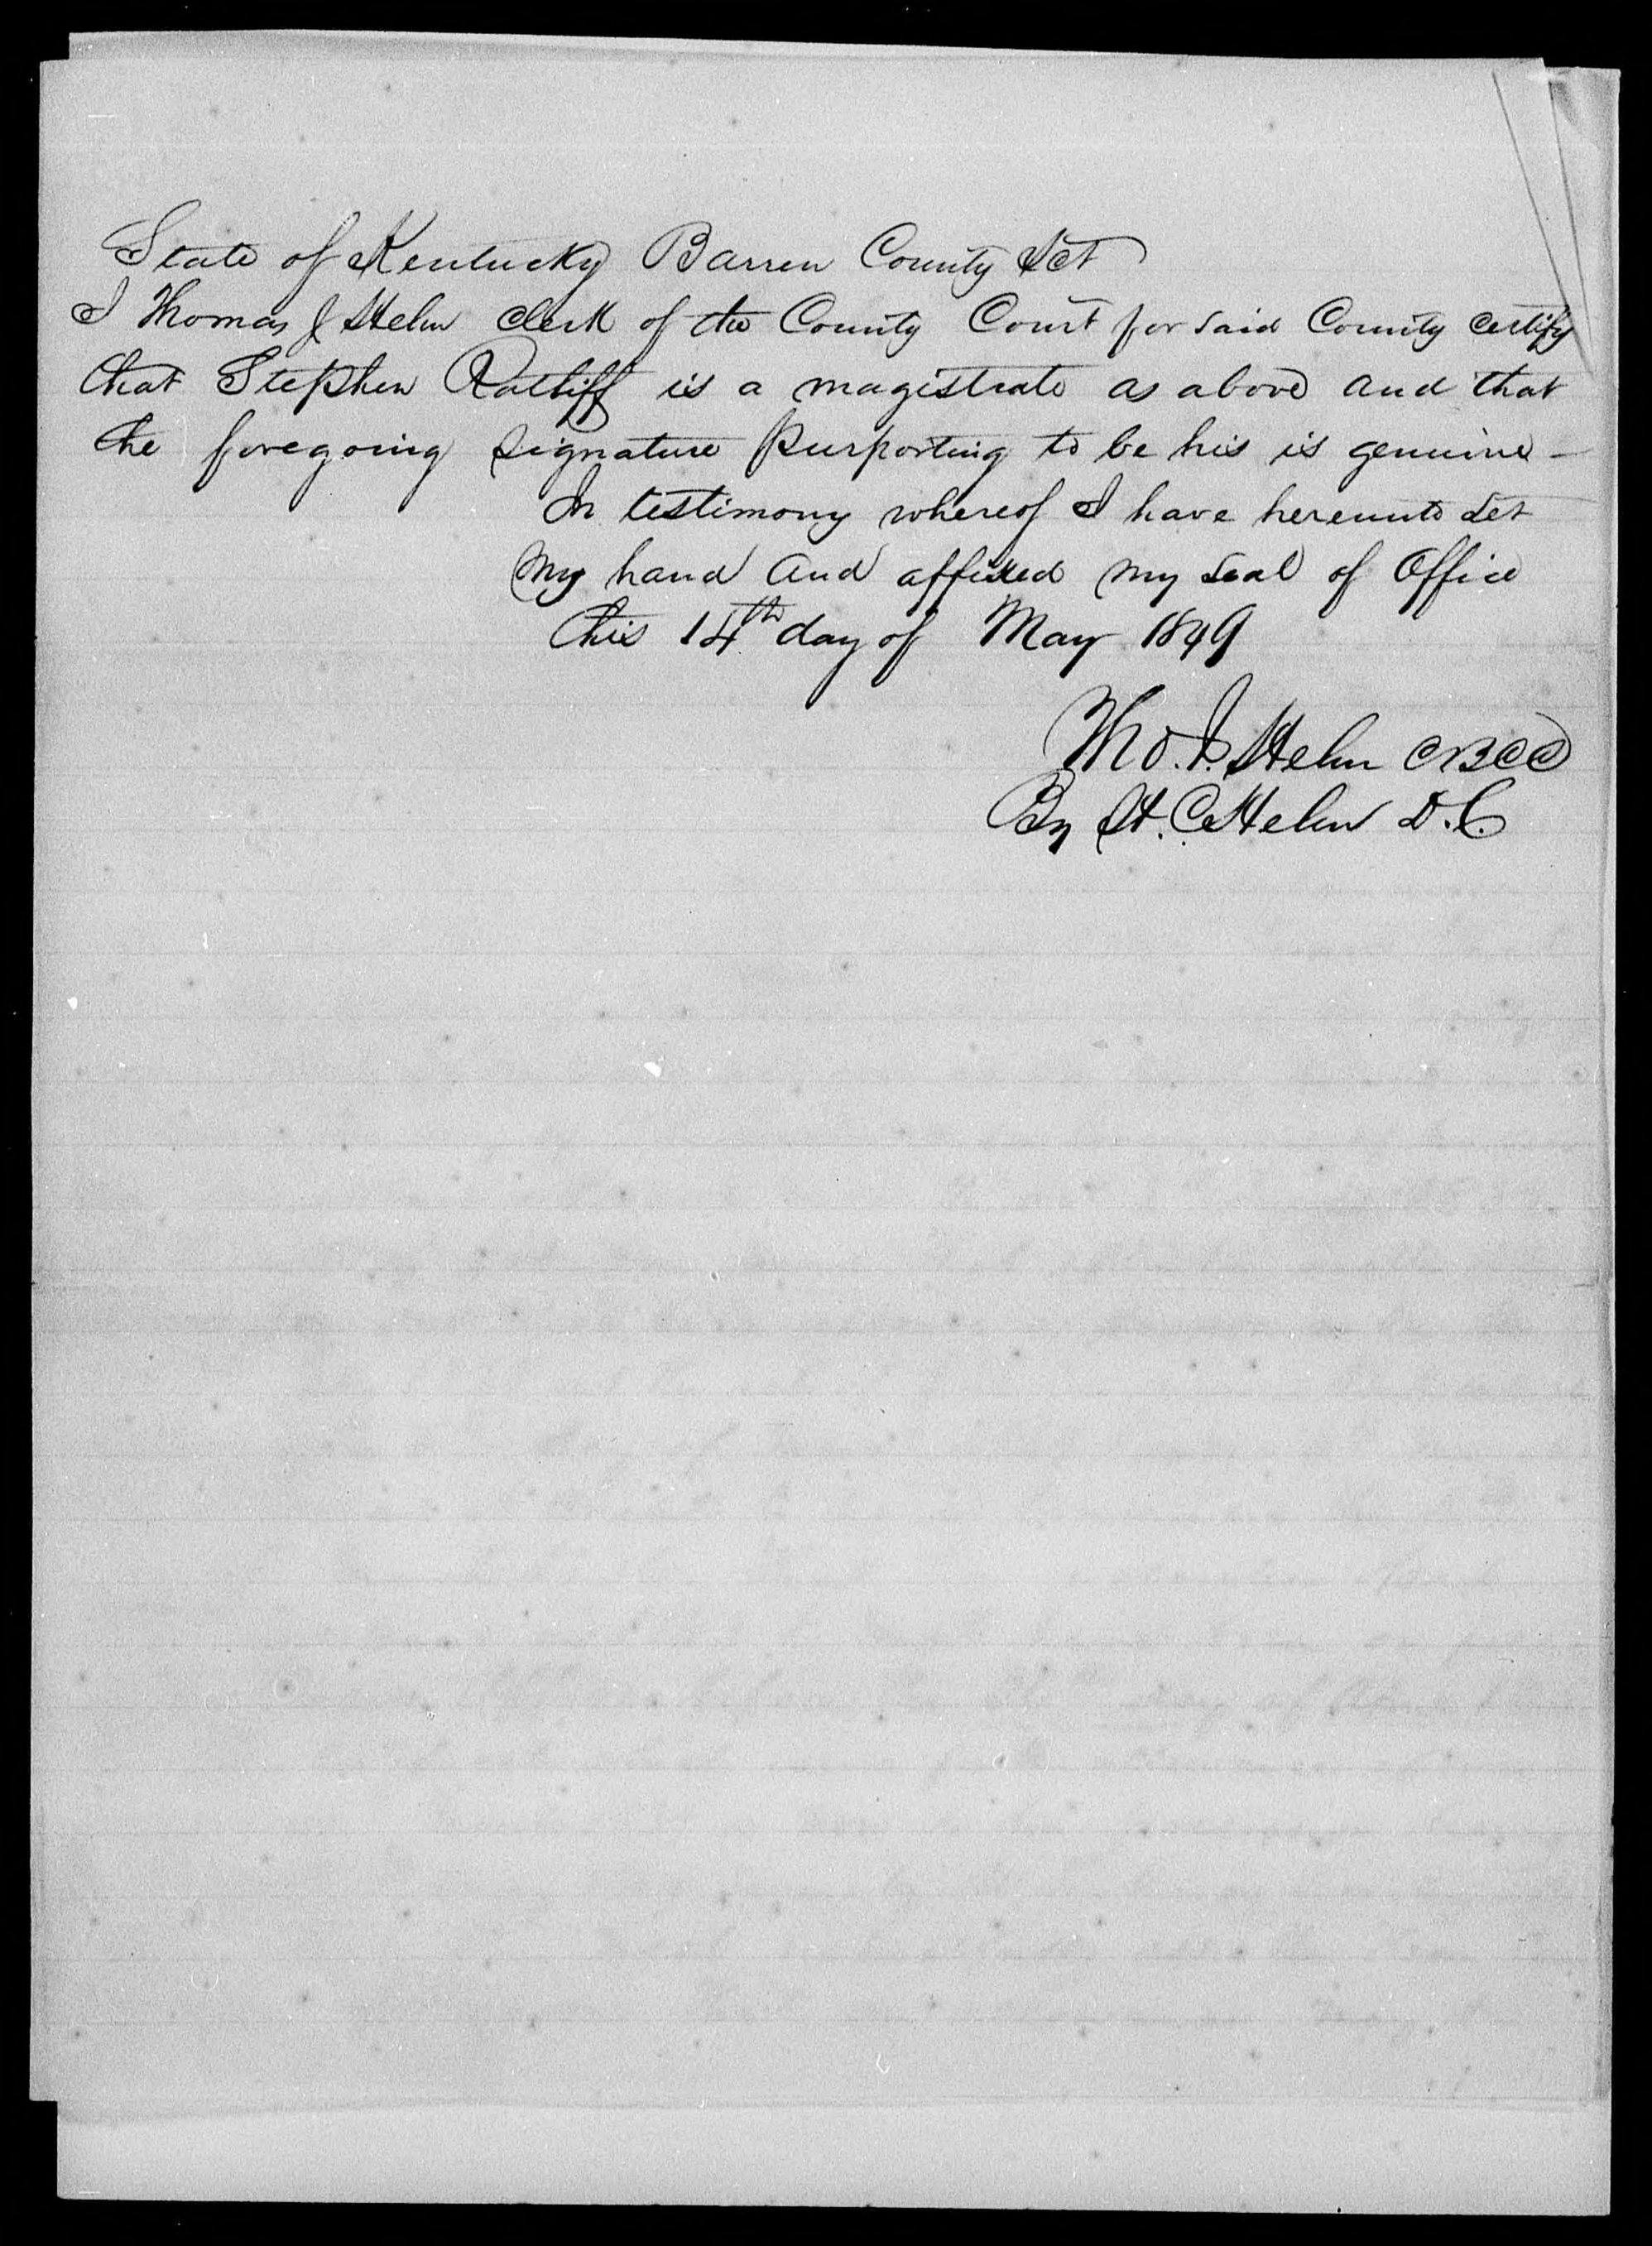State of Kentucky Barren County Set
I Thomas J Helm Clerk of the County Court for said County certify that Stephen Ratliff is a magistrate as above and that the foregoing signature purporting to be his is genuine_
In testimony whereof I have hereunto set
my hand and affixed my seal of Office
this 14th day of May 1849

Tho. J. Holme @ BCC
By St. C. Helm D.C.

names: H C Helm, Tho J Helm, Thomas J Helm, Stephen Ratliff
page: 51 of 58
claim: widow's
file: W. 8932, John Hiser, Penn.